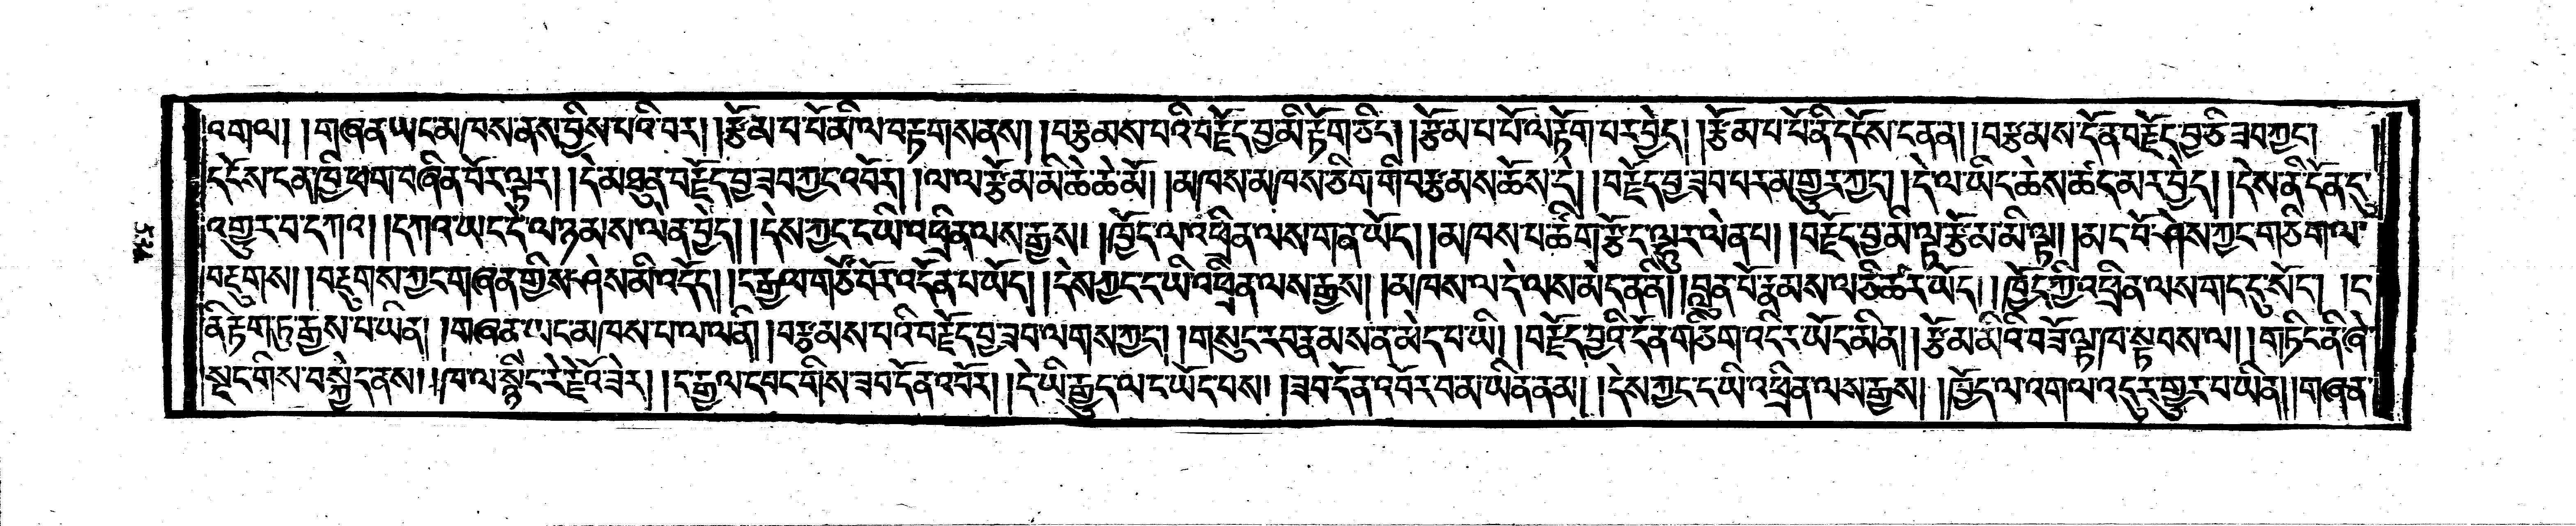འགལ། །གཞན་ཡང་མཁས་ནས་བྱིས་པའི་བར། །རྩོམ་པ་པོ་མི་ལ་བརྟགས་ནས། །བརྩམས་པའི་བརྗོད་བྱ་མི་རྟོག་ཅིང་། །རྩོམ་པ་པོ་ལ་རྟོག་པར་བྱེད། །རྩོམ་པ་པོ་ནི་དངོས་ངན་ན། །བརྩམས་དོན་བརྗོད་བྱ་ཅི་ཟབ་ཀྱང་། །
དངོས་ངན་ཁྱི་ཕག་བཞིན་པོར་ལྟར། །དེ་མཐུན་བརྗོད་བྱ་ཟབ་ཀྱང་འབོར། །ལ་ལ་རྩོམ་མི་ཆེ་ཆེ་མོ། །མཁས་མཁས་ཅིག་གི་བརྩམས་ཆོས་དེ། །བརྗོད་བྱ་ཟབ་པར་མ་གྱུར་ཀྱང་། །དེ་ལ་ཡིད་ཆེས་ཚད་མར་བྱེད། །དེས་ནི་དོན་དུ་
འགྱུར་བ་དཀའ། །དཀའ་ཡང་དེ་ལ་ཉམས་ལེན་བྱེད། །དེས་ཀྱང་ང་ཡི་འཕྲིན་ལས་རྒྱས། །ཁྱོད་ལ་འཕྲིན་ལས་ག་ན་ཡོད། །མཁས་པ་ཚིག་རྩོད་ལྷུར་ལེན་པ། །བརྗོད་བྱ་མི་ལྟ་རྩོམ་མི་ལྟ། །མང་པོ་ཤེས་ཀྱང་གཅིག་ལ་
བརྡུགས། །བརྡུགས་ཀྱང་གཞན་གྱིས་ཤེས་མི་འདོད། །ང་རྒྱལ་གཙོ་བོར་འདོན་པ་ཡོད། །དེས་ཀྱང་ང་ཡི་འཕྲིན་ལས་རྒྱས། །མཁས་ལ་དེ་ལས་མེད་ན་ནི། །བླུན་པོ་རྣམས་ལ་ཅི་ཆར་ཡོད། །ཁྱོད་ཀྱི་འཕྲིན་ལས་གང་དུ་སོང་། །ང་
ནི་རྟག་ཏུ་རྒྱས་པ་ཡིན། །གཞན་ཡང་མཁས་པ་ལ་ལ་ནི། །བརྩམས་པའི་བརྗོད་བྱ་ཟབ་ལགས་ཀྱང་། །གསུང་རབ་རྣམས་ན་མེད་པ་ཡི། །བརྗོད་བྱའི་དོན་གཅིག་འདིར་ཡོད་མིན། །རྩོམ་མིའི་བཟོ་ལྟ་ཁ་སྟབས་ལ། །གཏིང་ནི་ཞེ་
སྡང་གིས་བསྐྱེད་ནས། །ཁ་ལ་སྙིང་རེ་རྗེའོ་ཟེར། །ང་རྒྱལ་དབང་གིས་ཟབ་དོན་འབོར། །དེ་ཡི་རྒྱུད་ལ་ང་ཡོད་པས། །ཟབ་དོན་འབོར་བ་མ་ཡིན་ནམ། །དེས་ཀྱང་ང་ཡི་འཕྲིན་ལས་རྒྱས། །ཁྱོད་ལ་འགལ་འདུར་གྱུར་པ་ཡིན། །གཞན་